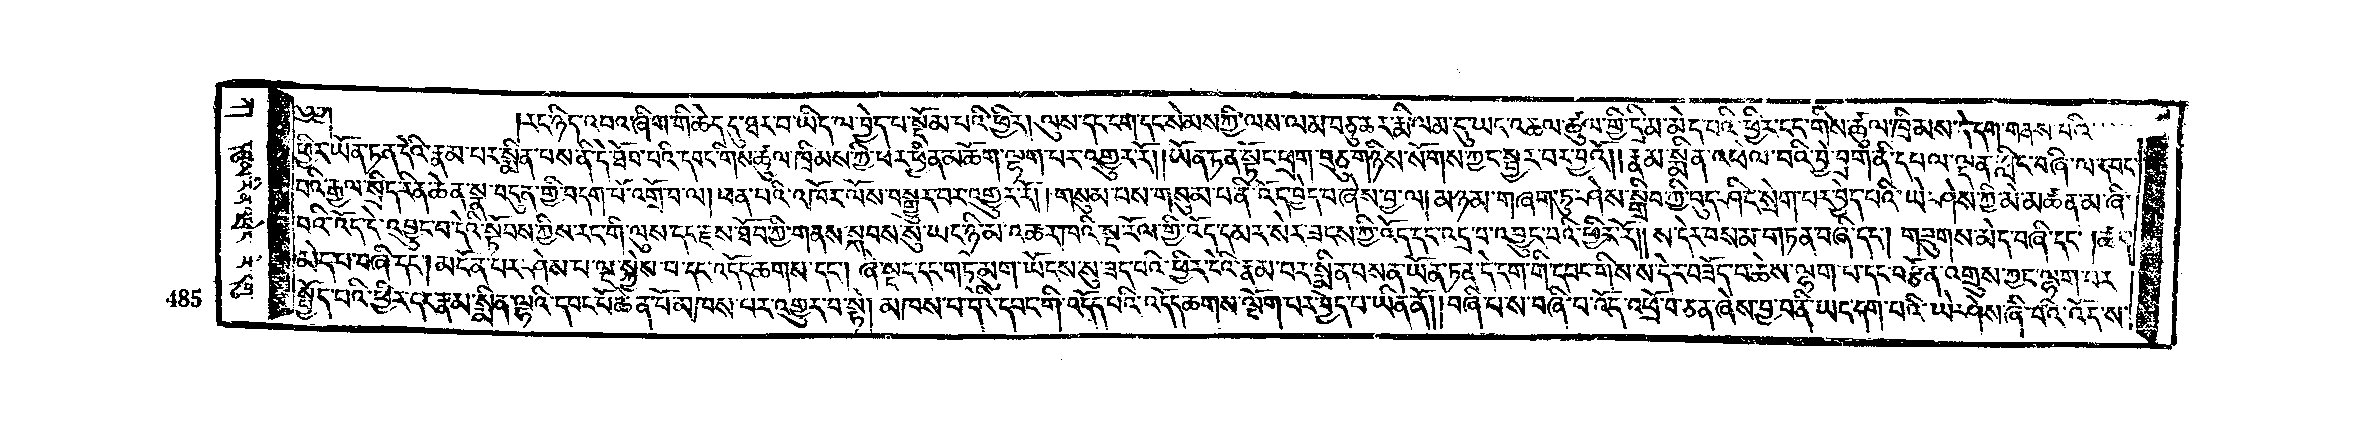༄༅། །རང་ཉིད་འབའ་ཞིག་གི་ཆེད་དུ་ཐར་པ་ཡིད་ལ་བྱེད་པ་སྡོམ་པའི་ཕྱིར། ལུས་དང་ངག་དང་སེམས་ཀྱི་ལས་ལམ་བཅུ་ཆར་རྨི་ལམ་དུ་ཡང་འཆལ་ཚུལ་གྱི་དྲི་མ་མེད་པའི་ཕྱིར་རང་གིས་ཚུལ་ཁྲིམས་དེ་དག་གནས་པའི་
ཕྱིར་ཡོན་ཏན་དེའི་རྣམ་པར་སྨིན་པས་ནི་དེ་ཐོབ་པའི་དབང་གིས་ཚུལ་ཁྲིམས་ཀྱི་ཕར་ཕྱིན་མཆོག་ལྷག་པར་འགྱུར་རོ། །ཡོན་ཏན་སྟོང་ཕྲག་བཅུ་གཉིས་སོགས་ཀྱང་སྦྱར་བར་བྱའོ། །རྣམ་སྨིན་འཕེལ་བའི་བྱེ་བྲག་ནི་དཔལ་ལྡན་གླིང་བཞི་ལ་དབང་
བའི་རྒྱལ་སྲིད་རིན་ཆེན་སྣ་བདུན་གྱི་བདག་པོ་འགྲོ་བ་ལ། ཕན་པའི་འཁོར་ལོས་བསྒྱུར་བར་འགྱུར་རོ། །གསུམ་པས་གསུམ་པ་ནི་འོད་བྱེད་པ་ཞེས་བྱ་ལ། མཉམ་གཞག་ཏུ་ཤེས་སྒྲིབ་ཀྱི་བུད་ཤིང་སྲེག་པར་བྱེད་པའི་ཡེ་ཤེས་ཀྱི་མེ་མཚན་མ་ཞི་
བའི་འོད་དེ་འབྱུང་བ་དེའི་སྟོབས་ཀྱིས་རང་གི་ལུས་དང་རྗས་ཐོབ་ཀྱི་གནས་སྐབས་སུ་ཡང་ཉི་མ་འཆར་ཁའི་སྔ་རོལ་གྱི་འོད་དམར་སེར་ཟངས་ཀྱི་འོད་དང་འདྲ་བ་འབྱུང་བའི་ཕྱིར་རོ། །ས་དེར་བསམ་གཏན་བཞི་དང་། གཟུགས་མེད་བཞི་དང་། ཚད་
མེད་པ་བཞི་དང་། མངོན་པར་ཤེས་པ་ལྔ་སྐྱེས་པ་དང་འདོད་ཆགས་དང་། ཞེ་སྡང་དང་གཏི་མུག་ཡོངས་སུ་ཟད་པའི་ཕྱིར་དེའི་རྣམ་པར་སྨིན་པས་ན་ཡོན་ཏན་དེ་དག་གི་དབང་གིས་ས་དེར་བཟོད་པ་ཆེས་ལྷག་པ་དང་བརྩོན་འགྲུས་ཀྱང་ལྷག་པར་
སྤྱོད་པའི་ཕྱིར་དང་རྣམ་སྨིན་ལྷའི་དབང་པོ་ཆེན་པོ་མཁས་པར་འགྱུར་བ་སྟེ། མཁས་པ་དེའི་དབང་གི་འདོད་པའི་འདོད་ཆགས་ལྡོག་པར་བྱེད་པ་ཡིན་ནོ། །བཞི་པ་ས་བཞི་པ་འོད་འཕྲོ་བ་ཅན་ཞེས་བྱ་བ་ནི་ཡང་དག་པའི་ཡེ་ཤེས་ཞི་བའི་འོད་ས་